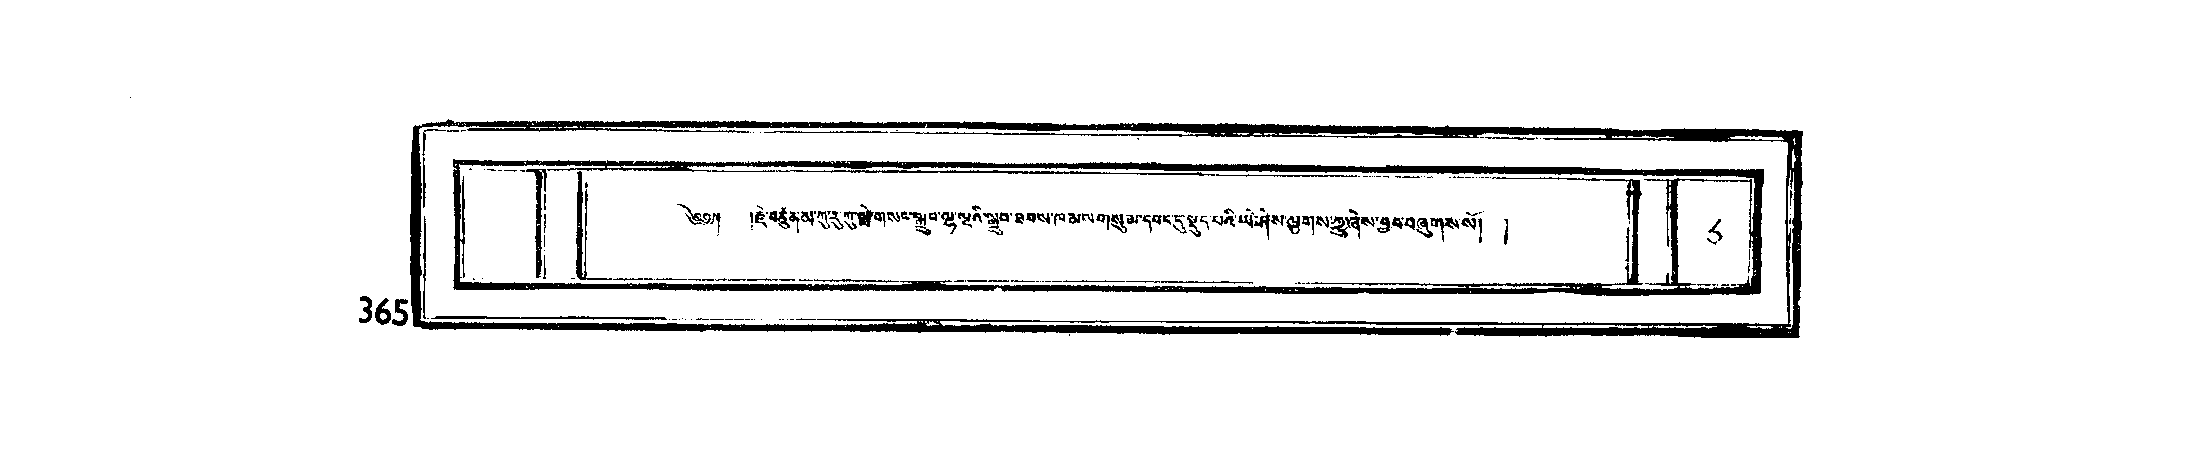༄༅། །རྗེ་བཙུན་མ་ཀུ་རུ་ཀུ་ལླེ་གསང་སྒྲུབ་ལྷ་ལྔའི་སྒྲུབ་ཐབས་ཁམས་གསུམ་དབང་དུ་སྡུད་པའི་ཡེ་ཤེས་ལྕགས་ཀྱུ་ཞེས་བྱ་བ་བཞུགས་སོ། །